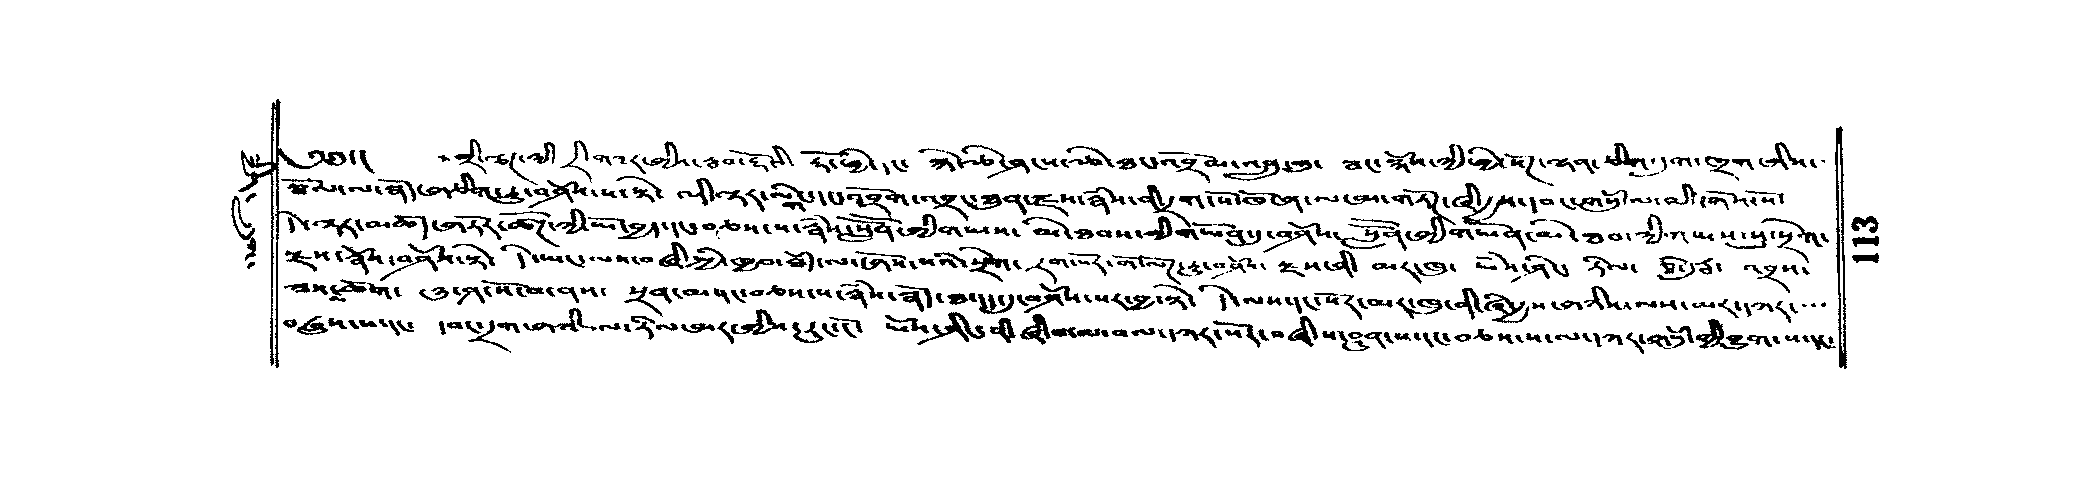གྲི་ལྕགས་ཀྱི་དྲི་གཟར་གྱི་རྦབ་་རྡོའ་རྡོ་ཕྱེ་དང་། སྙེ་རྩེ་ཤངས་རྩེ་ཐང་འབྲོམ་འབྲུ་དགུ་སྦང་སྙམས་ཀྱི་ཕྱེ་སོགས་ལྷན་ཅིག་དུག་ཁྲག་གིས་
སྦོལ་ལ་སྣོད་གཅིག་ཏུ་བཤམས་པ་སྟེ། འདི་ལྟར་ལིངྒ་དང་འབྲོག་བྲང་ཐུན་རྫས་རྣམས་ནི་དྲག་པོ་ཁོ་ན་ལ་མ་གཏོགས་ཞི་རྒྱས་དབང་གསུམ་ལ་མི་དགོས་སོ། 
དེ་ལྟར་མཆོད་གཏོར་ཚོགས་ཀྱི་ཡོ་བྱད་དང་་བཅས་པ་རྣམས་སློབ་དཔོན་གྱི་གཡས། མེ་ཐབ་ཀྱི་གཡོན་ ༼དྲག་པོར་གོ་ལོགས་ཏུ་བཤམས་༽ དུ་བཤམས། སློབ་དཔོན་གྱི་གཡོན་མེ་ཐབ་ཀྱི་གཡས་སུ་སྲེག་
རྫས་རྣམས་བཤམས་ཏེ། དེ་ཡང་ལས་བཞི་སྤྱི་ཁྱབ་ཐམས་ཅད་ལ་དགོས་པའི་སྲེག་རྫས་ནི། མར་ཁུ། ཡམས་ཤིང་། ཏིལ། ཙ་དུརྦ།འབྲས། 
ཟས་མཆོག་ཀུ་ཤ་སོ་བ་ནས་སྲན་མ་དང་བཅས་པ་རྣམས་ཐ་དད་དུ་བཤམས་པར་བྱ་སྟེ། དེ་ལས་དང་པོར་མར་ཁུ་ནི་ཞི་རྒྱས་གཉིས་ལས་མར་དཀར་
བཞུས་པ་དང་། དབང་དྲག་གཉིས་ལ་ཏིལ་དམར་གྱིས་རུང་ངོ་། ཡམས་ཤིང་ནི་ཞི་བ་ལ་བལ་དཀར་སོར་བཞི་པ་ཤུན་པ་དང་བཅས་པ་ལ་དཀར་གསུམ་གྱིས་བྱུག་པ་དང་།